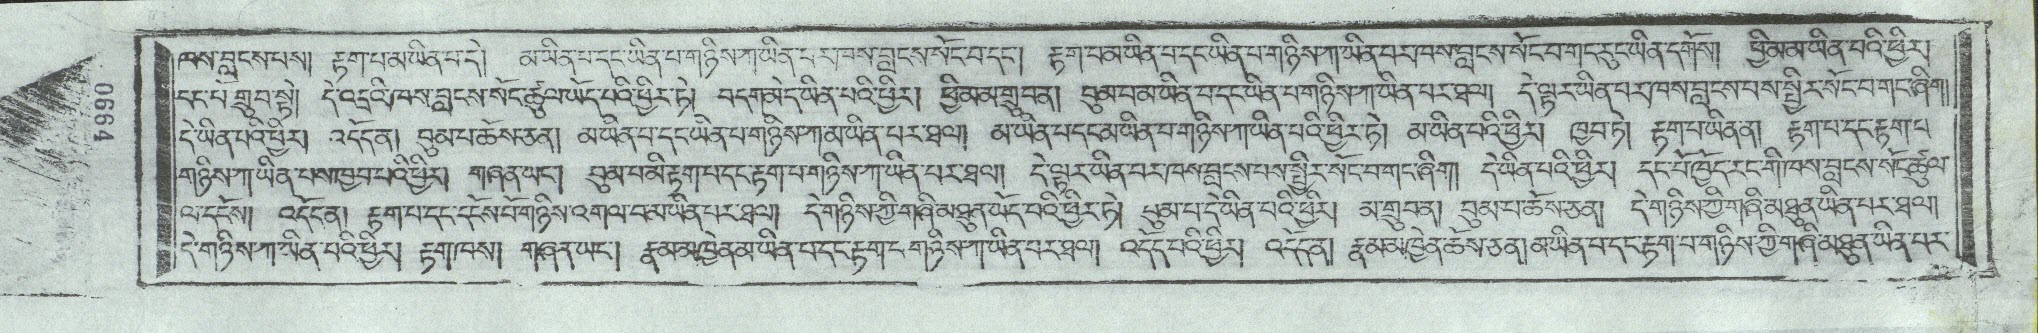ཁས་བླངས་པས། རྟག་པ་མ་ཡིན་པ་དེ། མ་ཡིན་པ་དང་ཡིན་པ་གཉིས་ཀ་ཡིན་པར་ཁས་བླངས་སོང་བ་དང་། རྟག་པ་མ་ཡིན་པ་དང་ཡིན་པ་གཉིས་ཀ་ཡིན་པར་ཁས་བླངས་སོང་བ་གང་རུང་ཡིན་དགོས། ཕྱི་མ་མ་ཡིན་པའི་ཕྱིར།
དང་པོ་གྲུབ་སྟེ། དེ་འདྲའི་ཁས་བླངས་སོང་ཚུལ་ཡོད་པའི་ཕྱིར་ཏེ། བདག་མེད་ཡིན་པའི་ཕྱིར། ཕྱི་མ་མ་གྲུབ་ན། བུམ་པ་མ་ཡིན་པ་དང་ཡིན་པ་གཉིས་ཀ་ཡིན་པར་ཐལ། དེ་ལྟར་ཡིན་པར་ཁས་བླངས་པས་སྤྱིར་སོང་བ་གང་ཞིག།
དེ་ཡིན་པའི་ཕྱིར། འདོད་ན། བུམ་པ་ཆོས་ཅན། མ་ཡིན་པ་དང་ཡིན་པ་གཉིས་ཀ་མ་ཡིན་པར་ཐལ། མ་ཡིན་པ་དང་མ་ཡིན་པ་གཉིས་ཀ་ཡིན་པའི་ཕྱིར་ཏེ། མ་ཡིན་པའི་ཕྱིར། ཁྱབ་ཏེ། རྟག་པ་ཡིན་ན། རྟག་པ་དང་རྟག་པ་
གཉིས་ཀ་ཡིན་པས་ཁྱབ་པའི་ཕྱིར། གཞན་ཡང་། བུམ་པ་མི་རྟག་པ་དང་རྟག་པ་གཉིས་ཀ་ཡིན་པར་ཐལ། དེ་ལྟར་ཡིན་པར་ཁས་བླངས་བས་སྤྱིར་སོང་བ་གང་ཞིག། དེ་ཡིན་པའི་ཕྱིར། དང་པོ་ཁྱོད་རང་གི་ཁས་བླངས་སོང་ཚུལ་
ལ་དངོས། འདོད་ན། རྟག་པ་དང་དངོས་པོ་གཉིས་འགལ་བ་མ་ཡིན་པར་ཐལ། དེ་གཉིས་ཀྱི་གཞི་མཐུན་ཡོད་པའི་ཕྱིར་ཏེ། བུམ་པ་དེ་ཡིན་པའི་ཕྱིར། མ་གྲུབ་ན། བུམ་པ་ཆོས་ཅན། དེ་གཉིས་ཀྱི་གཞི་མཐུན་ཡིན་པར་ཐལ།
དེ་གཉིས་ཀ་ཡིན་པའི་ཕྱིར། རྟག་ཁས། གཞན་ཡང་། རྣམ་མཁྱེན་མ་ཡིན་པ་དང་རྟག་པ་གཉིས་ཀ་ཡིན་པར་ཐལ། འདོད་པའི་ཕྱིར། འདོད་ན། རྣམ་མཁྱེན་ཆོས་ཅན། མ་ཡིན་པ་དང་རྟག་པ་གཉིས་ཀྱི་གཞི་མཐུན་ཡིན་པར་